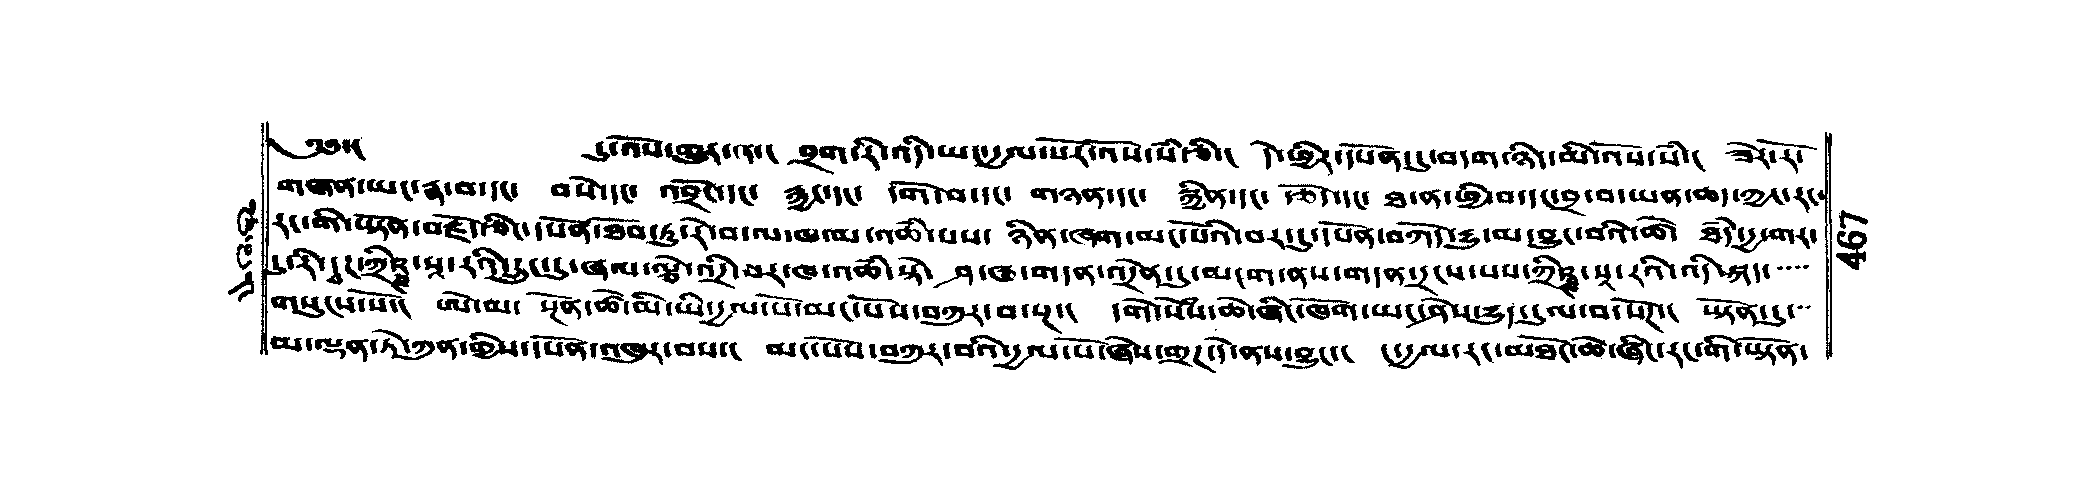དུ་འོས་གྱུར་ན། །བྲག་རི་འདི་ཡང་རྒྱལ་པོར་འོས་སམ་ཅི། །དེ་ཕྱིར་དཔོན་དུ་བདག་ཉིད་མི་འོས་སམ། །ཟེར་རོ། 
གཞན་ཡང་རྣ་བ་དང་། བསེ་དང་། འབྲོང་དང་། རྐྱང་དང་། རྒོ་བ་དང་། གཉན་དང་། སྐྱིན་དང་། རྩོད་དང་།ཐ་ན་ཕྱི་བ་དང་བྲ་བ་ཡན་ཆད་ཀྱང་རང་
རང་གི་ཡོན་ཏན་བརྗོད་ཅིང་དཔོན་ཐོབ་ཏུ་རེ་བ་ལ་ཁ་མ་འཆམ་པས། ཉིན་ཞག་མང་པོའི་བར་དུ་དཔོན་བསྐོ་རྒྱུ་མ་བྱུང་བའི་ཚེ། ཐམས་ཅད་རྒྱ་གར་
དུ་རི་དྭགས་ཀྲིཥྞ་སཱ་རའི་དྲུང་དུ་ཞལ་ལྕེ་འདྲི་བར་ཁ་འཆམ་སྟེ། ཤ་བ་གདན་འདྲེན་དུ་མངགས་ནས་གདན་དྲངས་པས་ཀྲིཥྞ་སཱ་རས་འདི་སྐད་
གསུངས་སོ། ཨེ་མ་སྔོན་ཚེ་མི་ཡི་རྒྱལ་པོ་མང་པོས་བཀུར་བ་སྔ། །དགེ་སེམས་ཆེ་ཞིང་ཁོག་ཡངས་གཤིས་རྒྱུད་དུལ་བ་སོགས། །ཡོན་ཏན་དུ་
མ་ལྡན་ཏེ་ཀུན་གྱི་དཔོན་འཁུར་བས། །མང་པོས་བཀུར་བའི་རྒྱལ་པོ་ཞེས་གྲགས་དེ་ནས་བྱུང་། །ང་རྒྱལ་རང་མཐོང་ཆེ་ཞིང་རང་གི་ཡོན་ཏན་